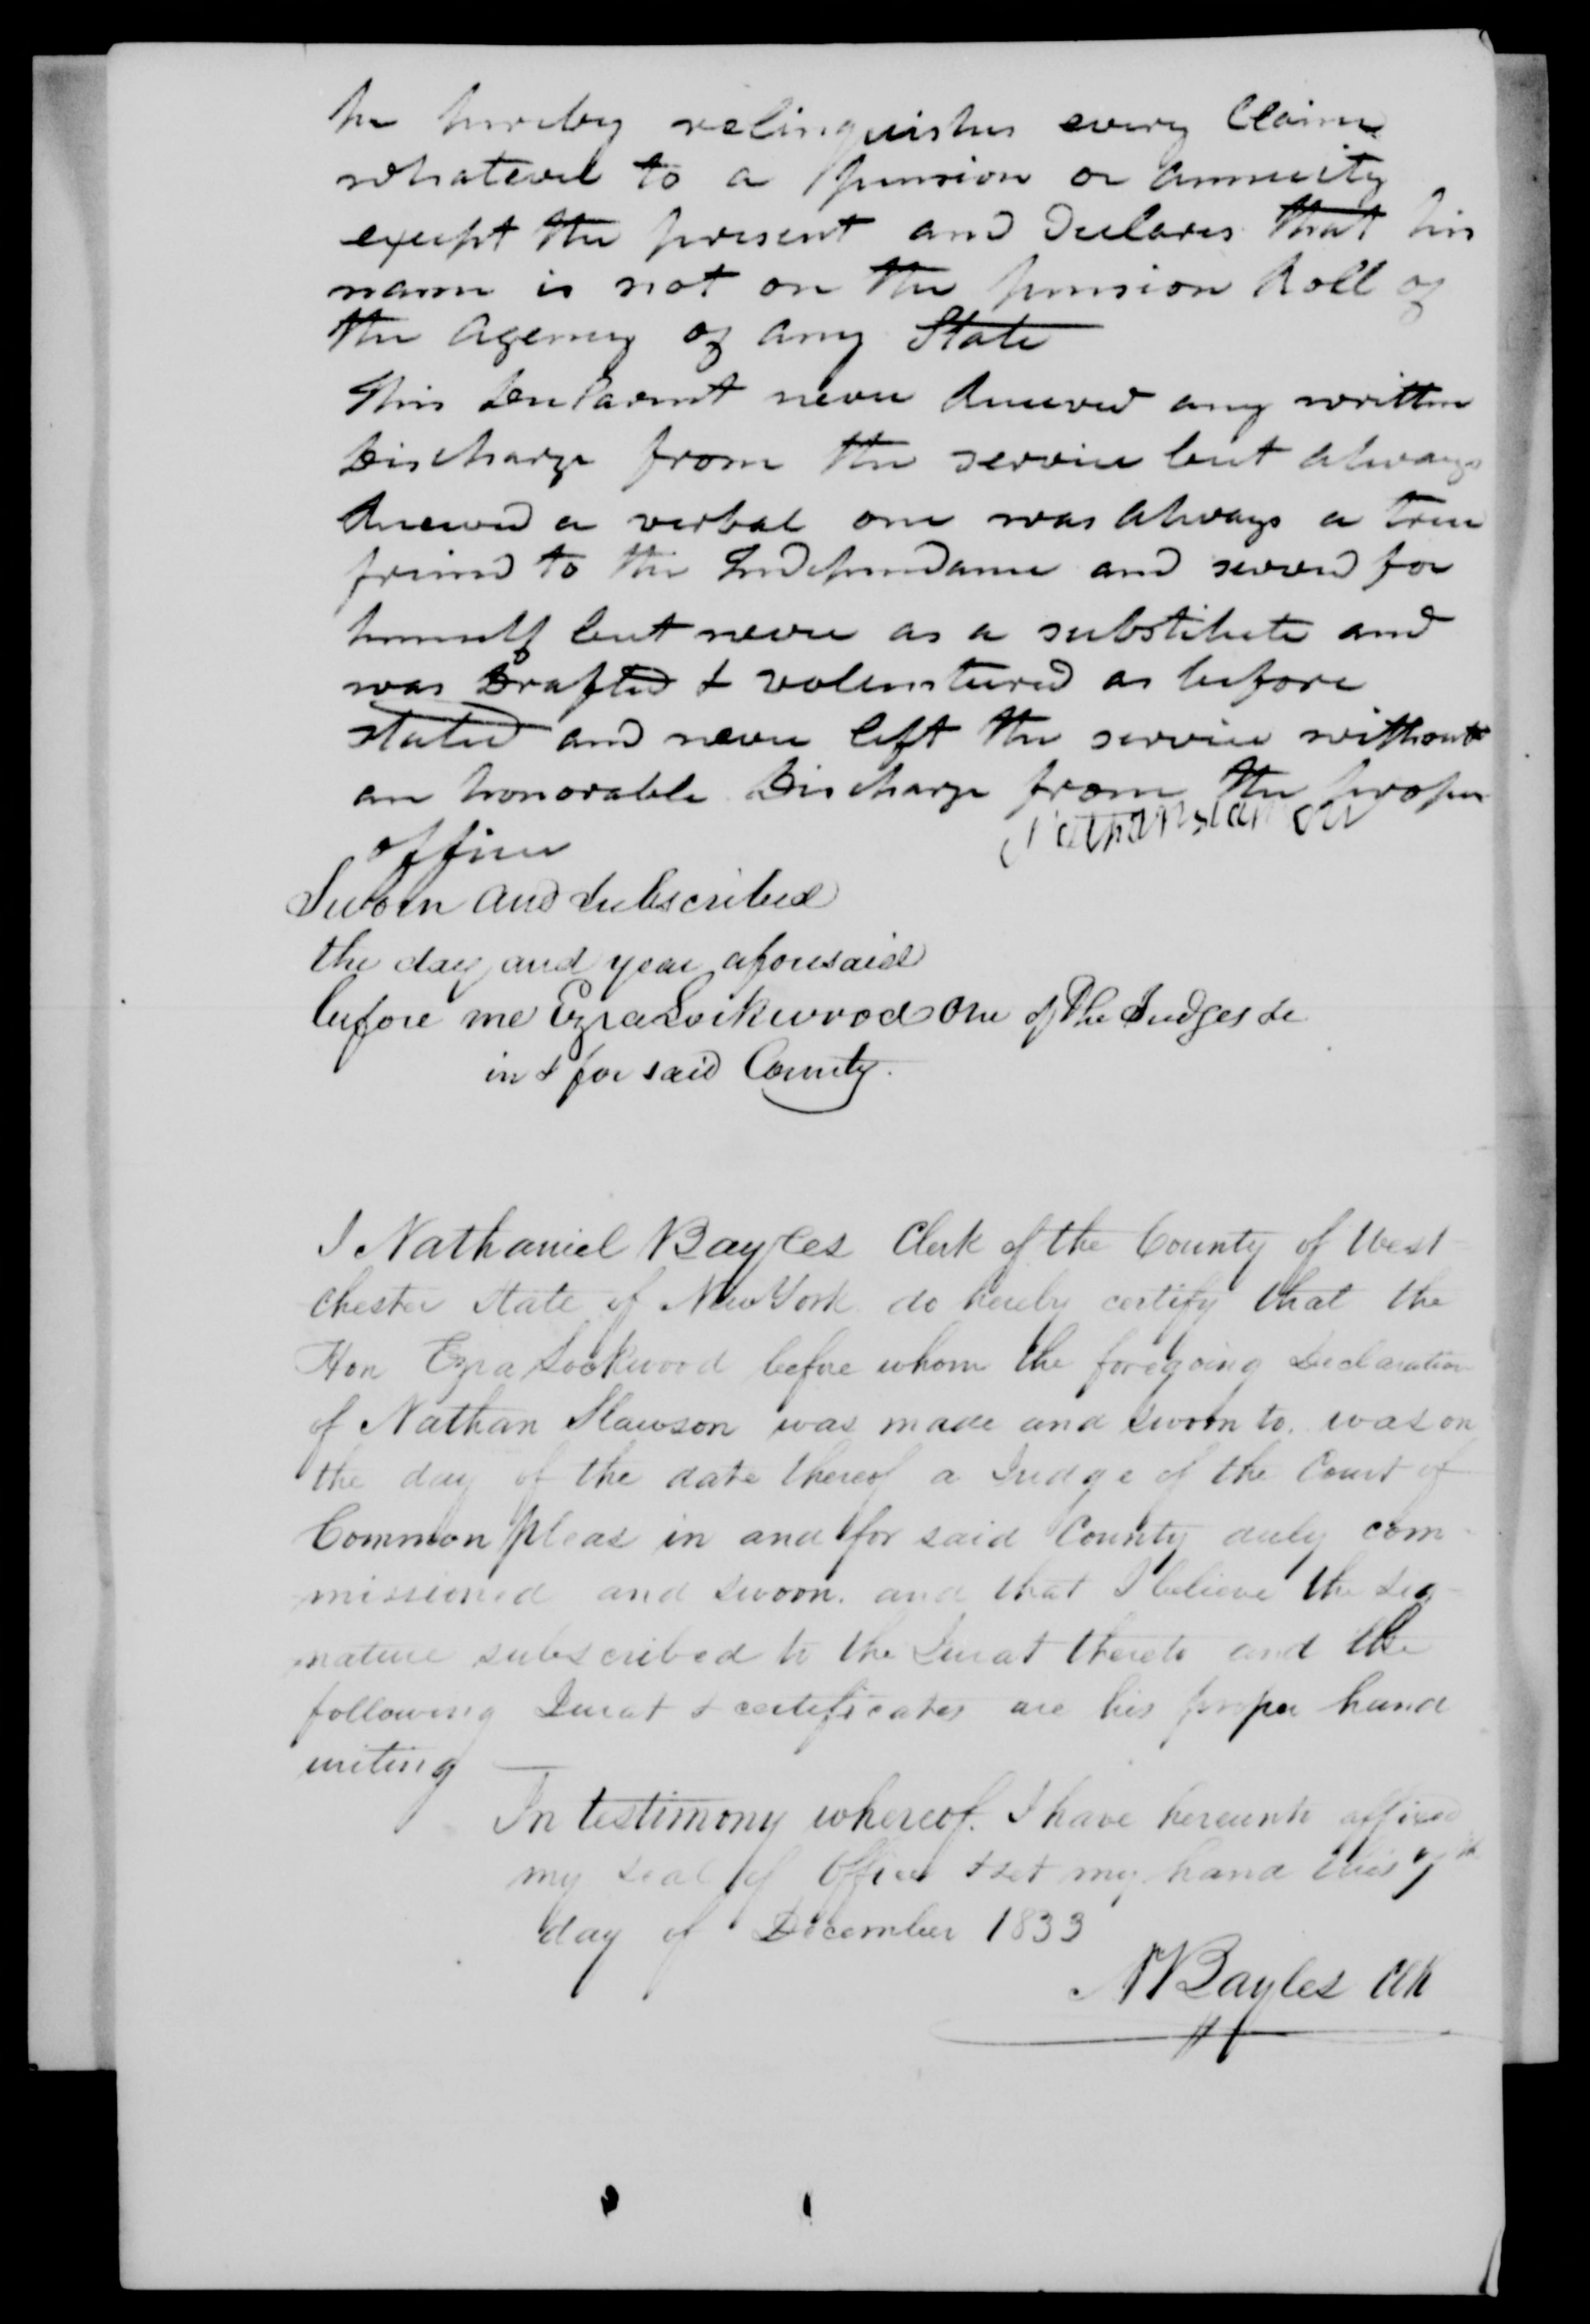he hereby relinquishes every claim whatever to a pension or annuity except the present and declares that name is not on the pension Roll of the agency of any State.  
This Declarant never received any written Discharge from the service but always deceived a verbal one was always a true friend to the Independance and served for himself but never as a substitute and was drafted & volunteered as before stated and never left the service without an honorable Discharge from the proper officer 
Nathaniel Slawson
Sworn and Subscribed the day and year aforesaid before me Ezra Lockwood one of the Judges  &c in & for said County. 
I Nathaniel Bayles Clerk of the County of Westchester State of New York do hereby certify that the Hon Ezra Lockwood before whom the foregoing Declaration of Nathan Slawson was made and sworn to was on the day of the date thereof a Judge of the Court of Common Pleas in and for said County duly commissioned and sworn, and that I believe the signature subscribed to the following Jurat & certificates are his proper hand writing
In testimony whereof I have hereunto affixed my seal of Office & set my hand this 7th day of December 1833 
N. Bayles Clk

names: Nathan Slawson; Nathaniel Bayles; Ezra Lockwood; N Bayles; Nathan Slawson; Ezra Lockwood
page: 8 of 87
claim: widow's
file: W. 22,226, for Nathan Slawson, Connecticut